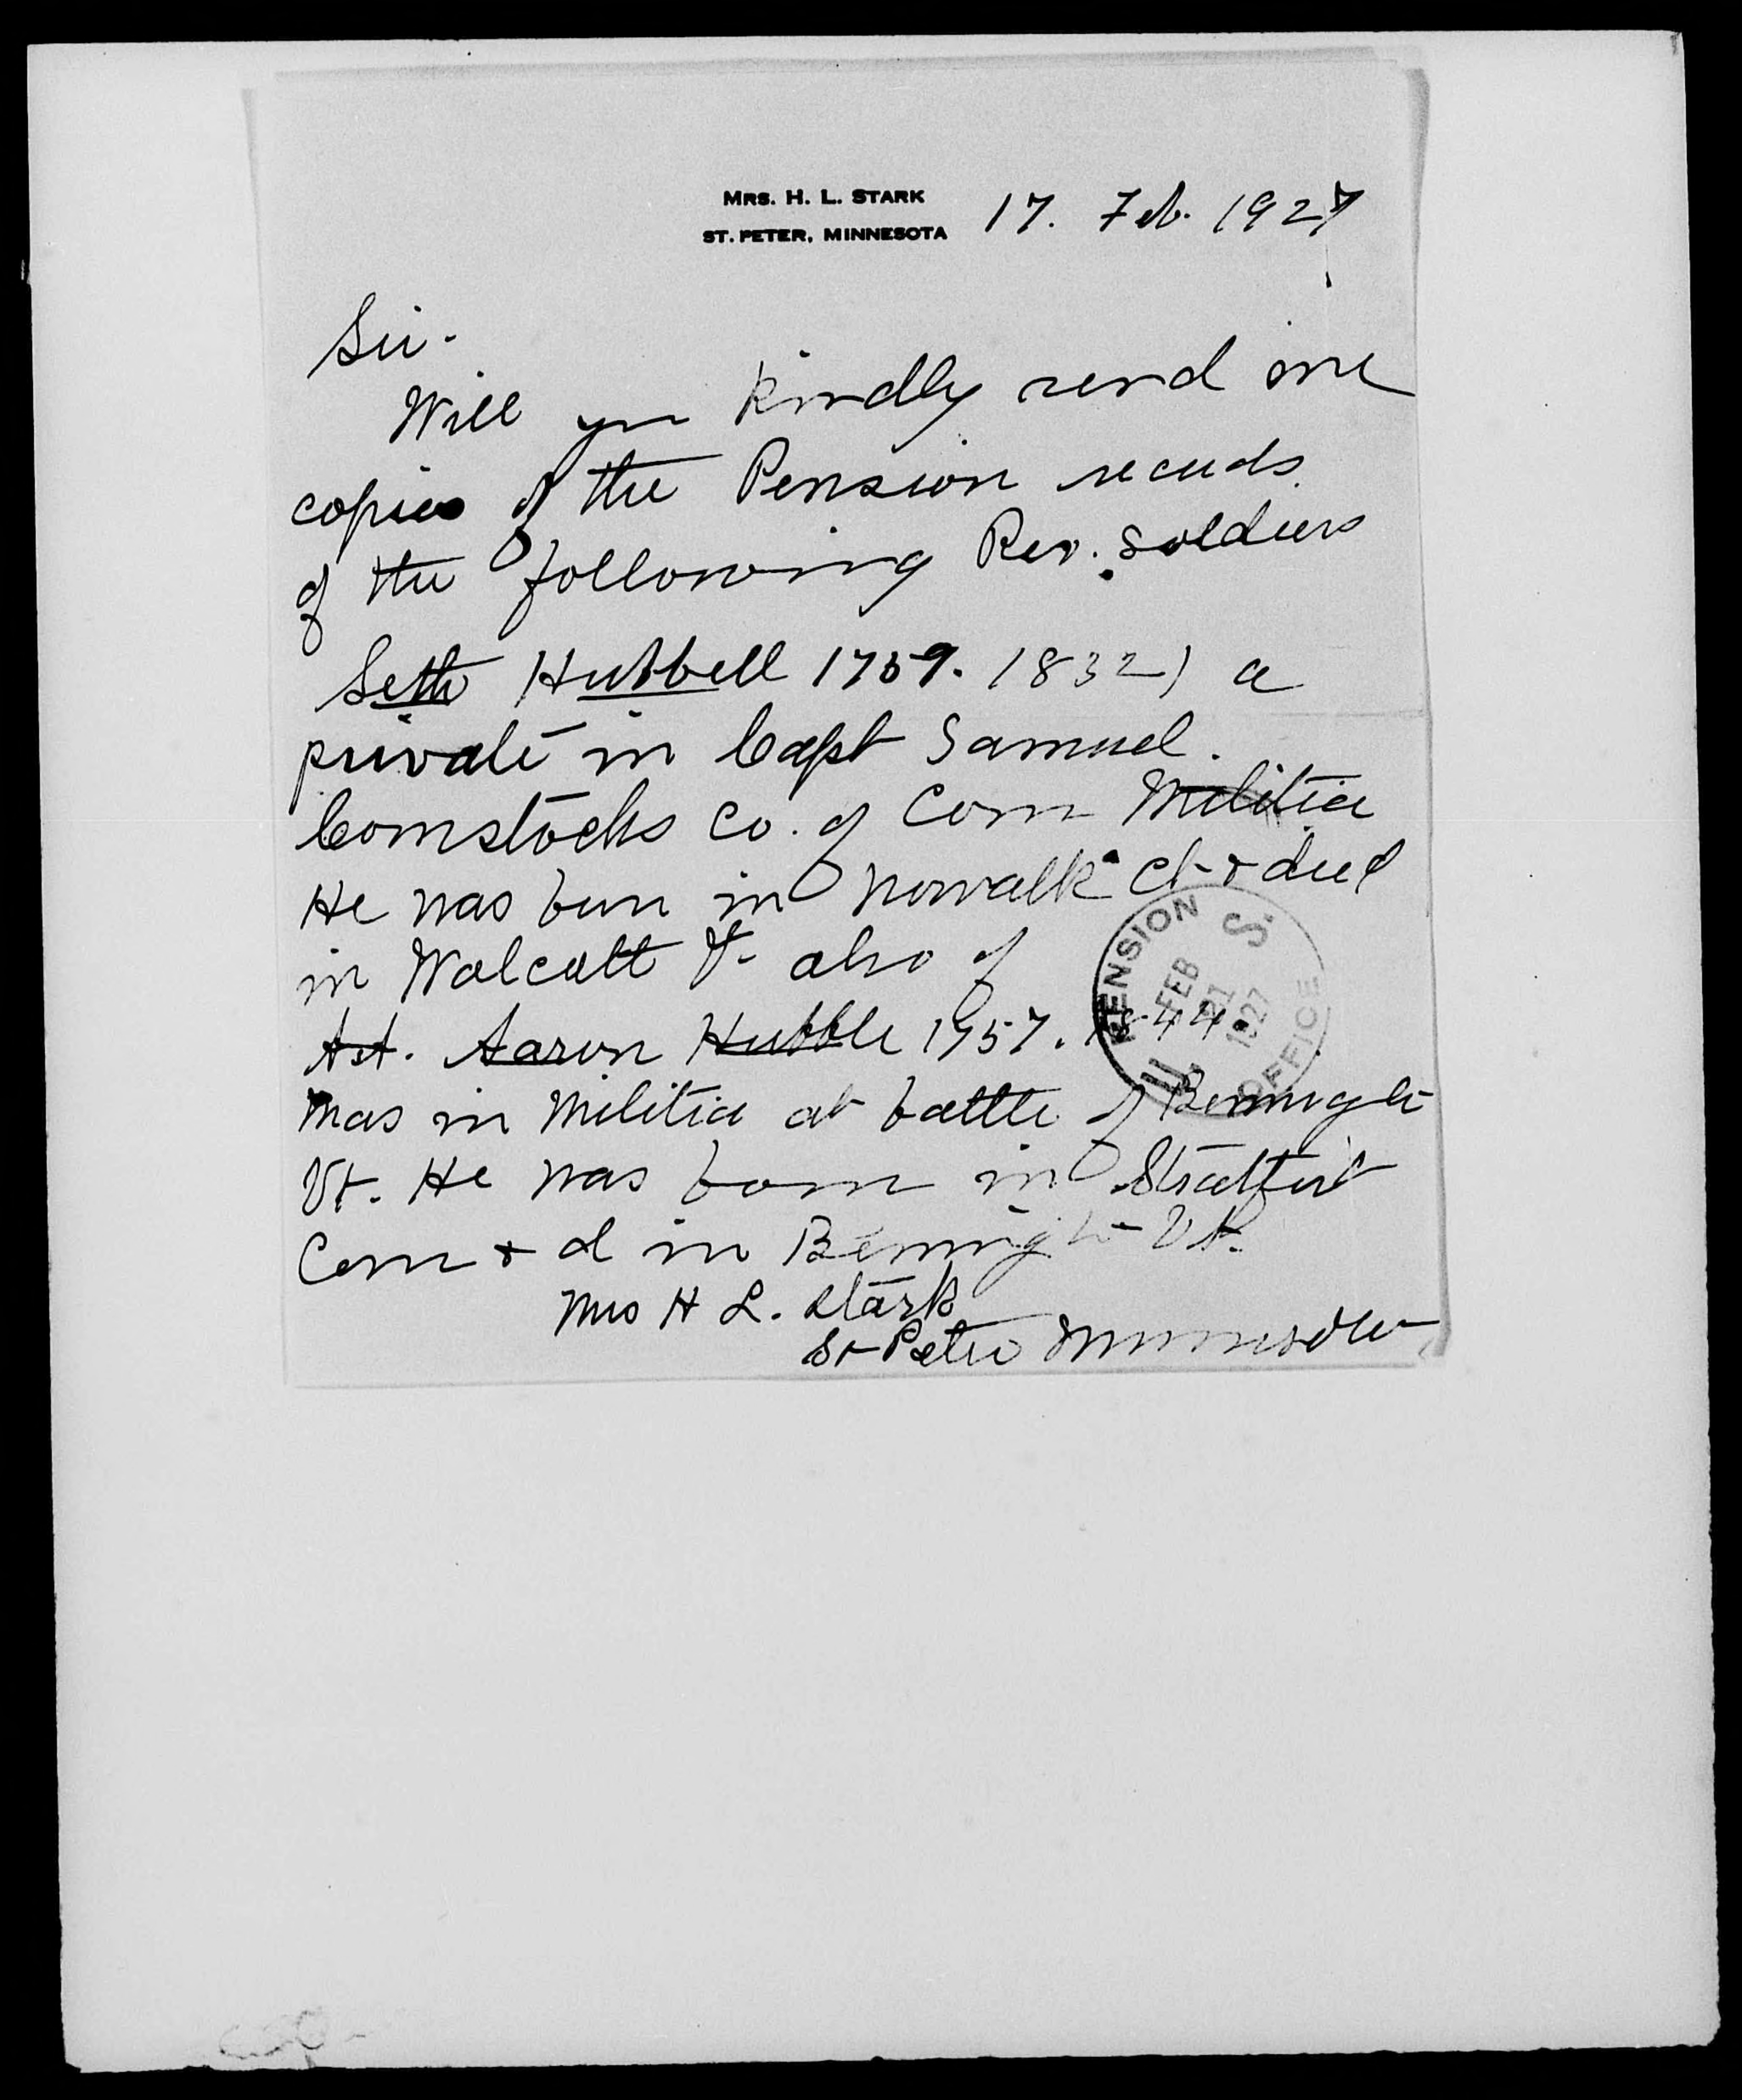Mrs. H. L. Stark 17. Feb. 1927
St. Peter, Minnesota

Sir-
Will you kindly send me copies of the Pension records of the following Rev, soldiers
Seth  Hubbell 1769 ,1832) a private in Capt. Samuel Comstocks Co, of Conn Militia. He was born in Norwalk Ct. + died in Walcott also of Ast. Aaron Hubble 1757. 1849  Was in militia at battle of  Bennigh Vt. He was born in Sratford Conn + d in Bennigh Vt.
Mrs. H. L. Stark
St. Peter Minnesota
Stamped: Denison U.S. Office Feb. 21 1927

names: Aaron Hubble, H L Stark, Seth Hubbell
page: 59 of 114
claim: widow's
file: W. 2115, Seth Hubbell, Conn.